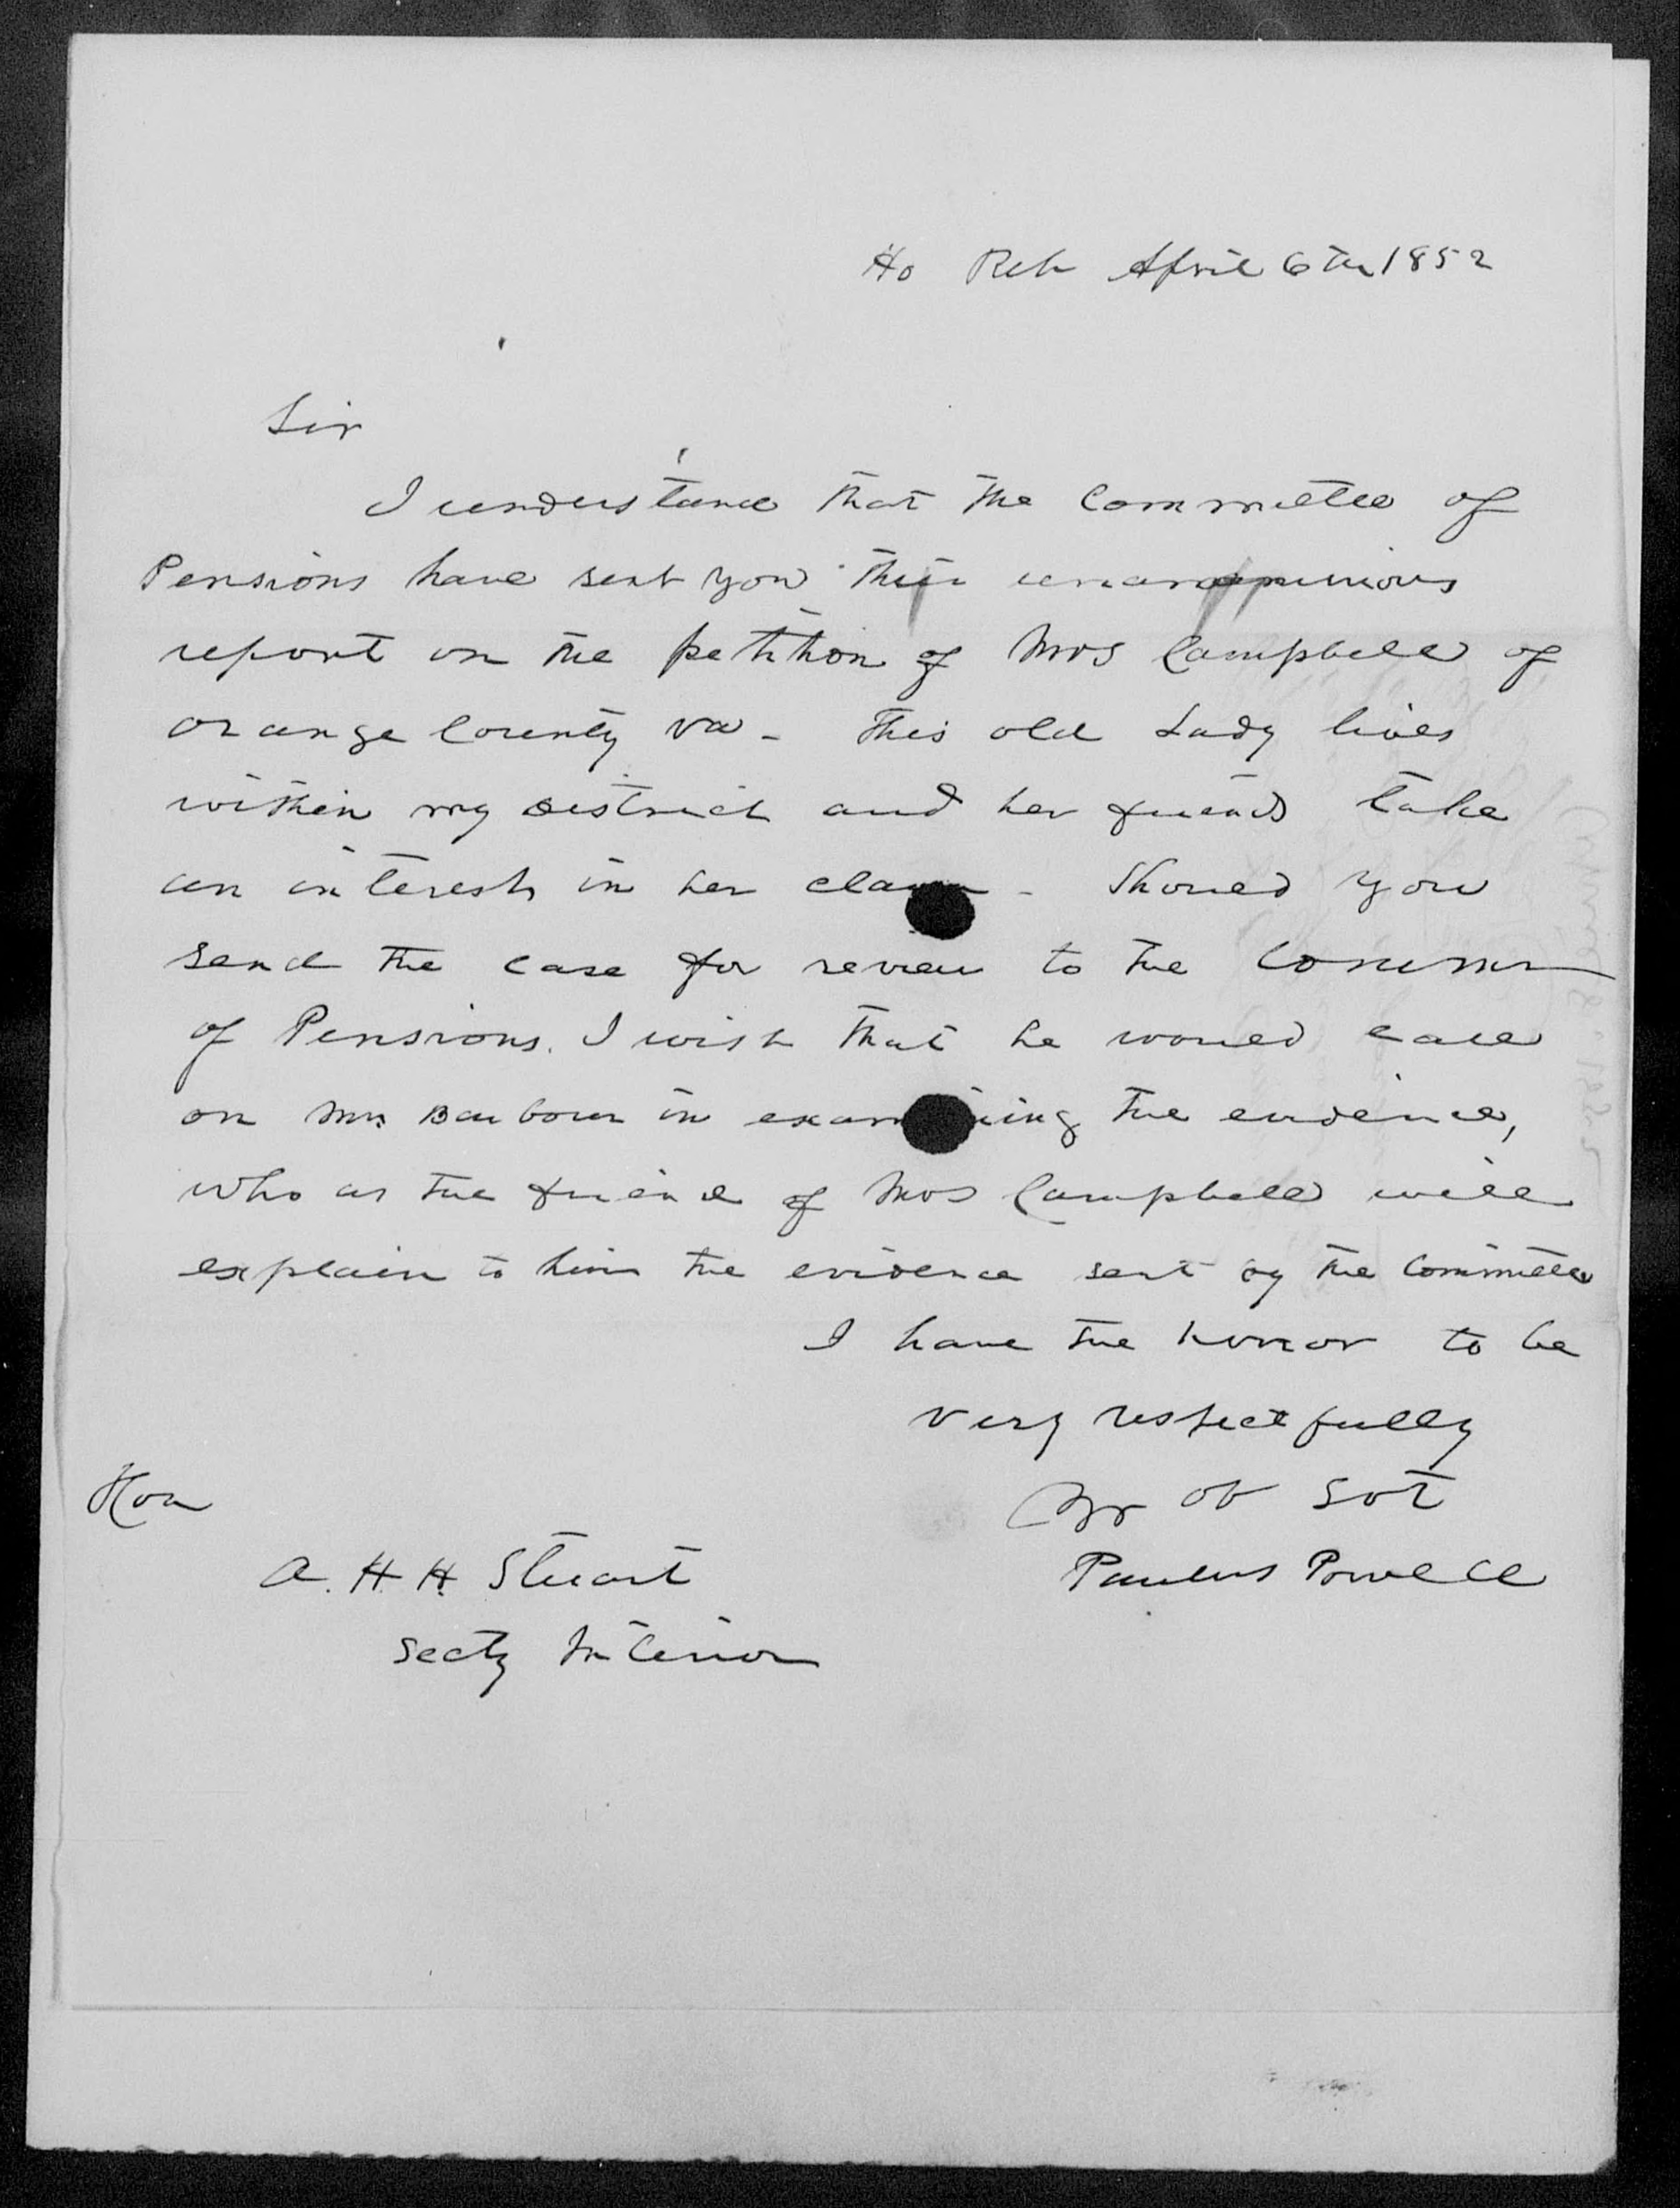Ho Rep April 6th 1852

Sir
I understand that the Committee of Pensions have sent you Their unanimous report on the petition of Mrs Campbell of Orange County Va - This old Lady lives within my District and her friends take an interest in her claim - Should you send the case for review to the Comm of Pensions, I wish that he would ease on Mrs. Barbour in examining the evidence, who as the friend of Mrs Campbell will explain to her the evidence sent by the Committee
I have the honor to be
very respectfully
Yr ob Svt
Parkers Powell

Hon
A. H. H. Stuart
Secty Interior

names: Barbour, Campbell, Campbell, A H H Stuart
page: 132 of 267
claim: widow's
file: W. 4,149, William Campbell, Va.